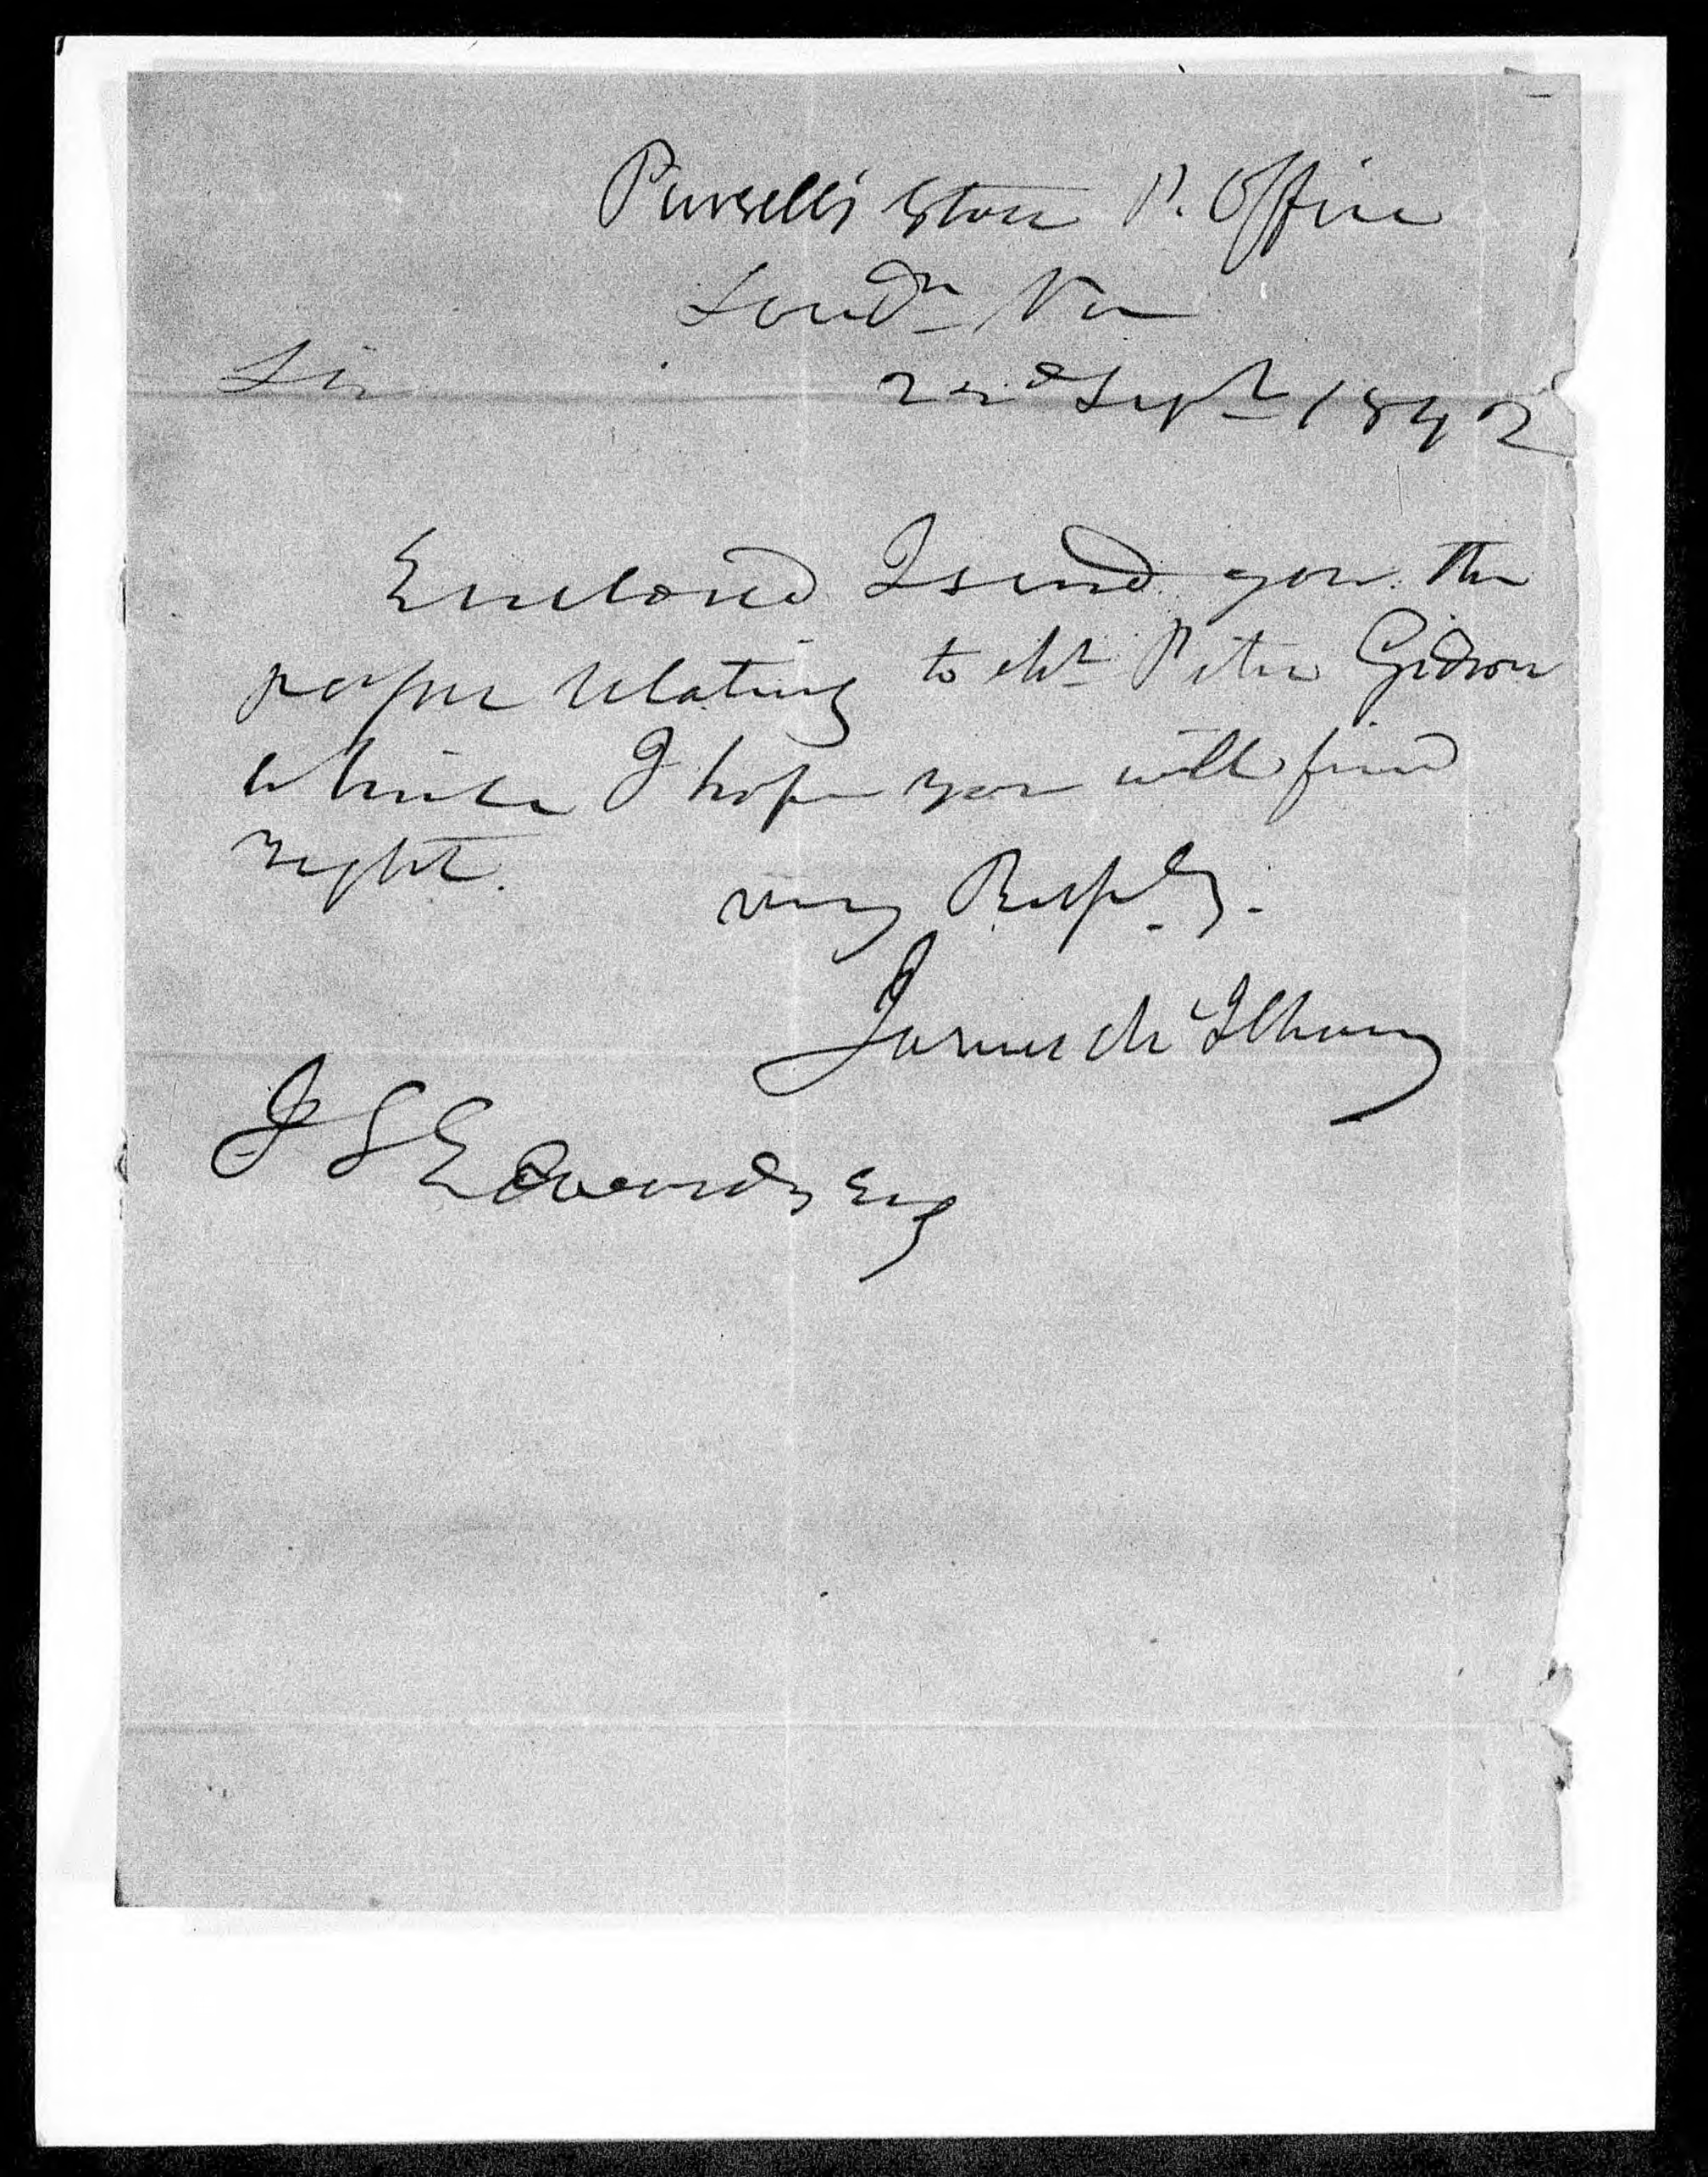Pursell Stone P. Office
Loudon VA
22 Set 1842

Sir

Enclosed I send you the
paper relating to Mr Peter Godson
which I hope you will find right

Very respectfully

James McIlheny

JL Edwards Esq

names: J L Edwards, Peter Gideon, James Mc Ilhany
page: 19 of 64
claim: survivor's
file: S. 6887, Peter Gideon, Md.